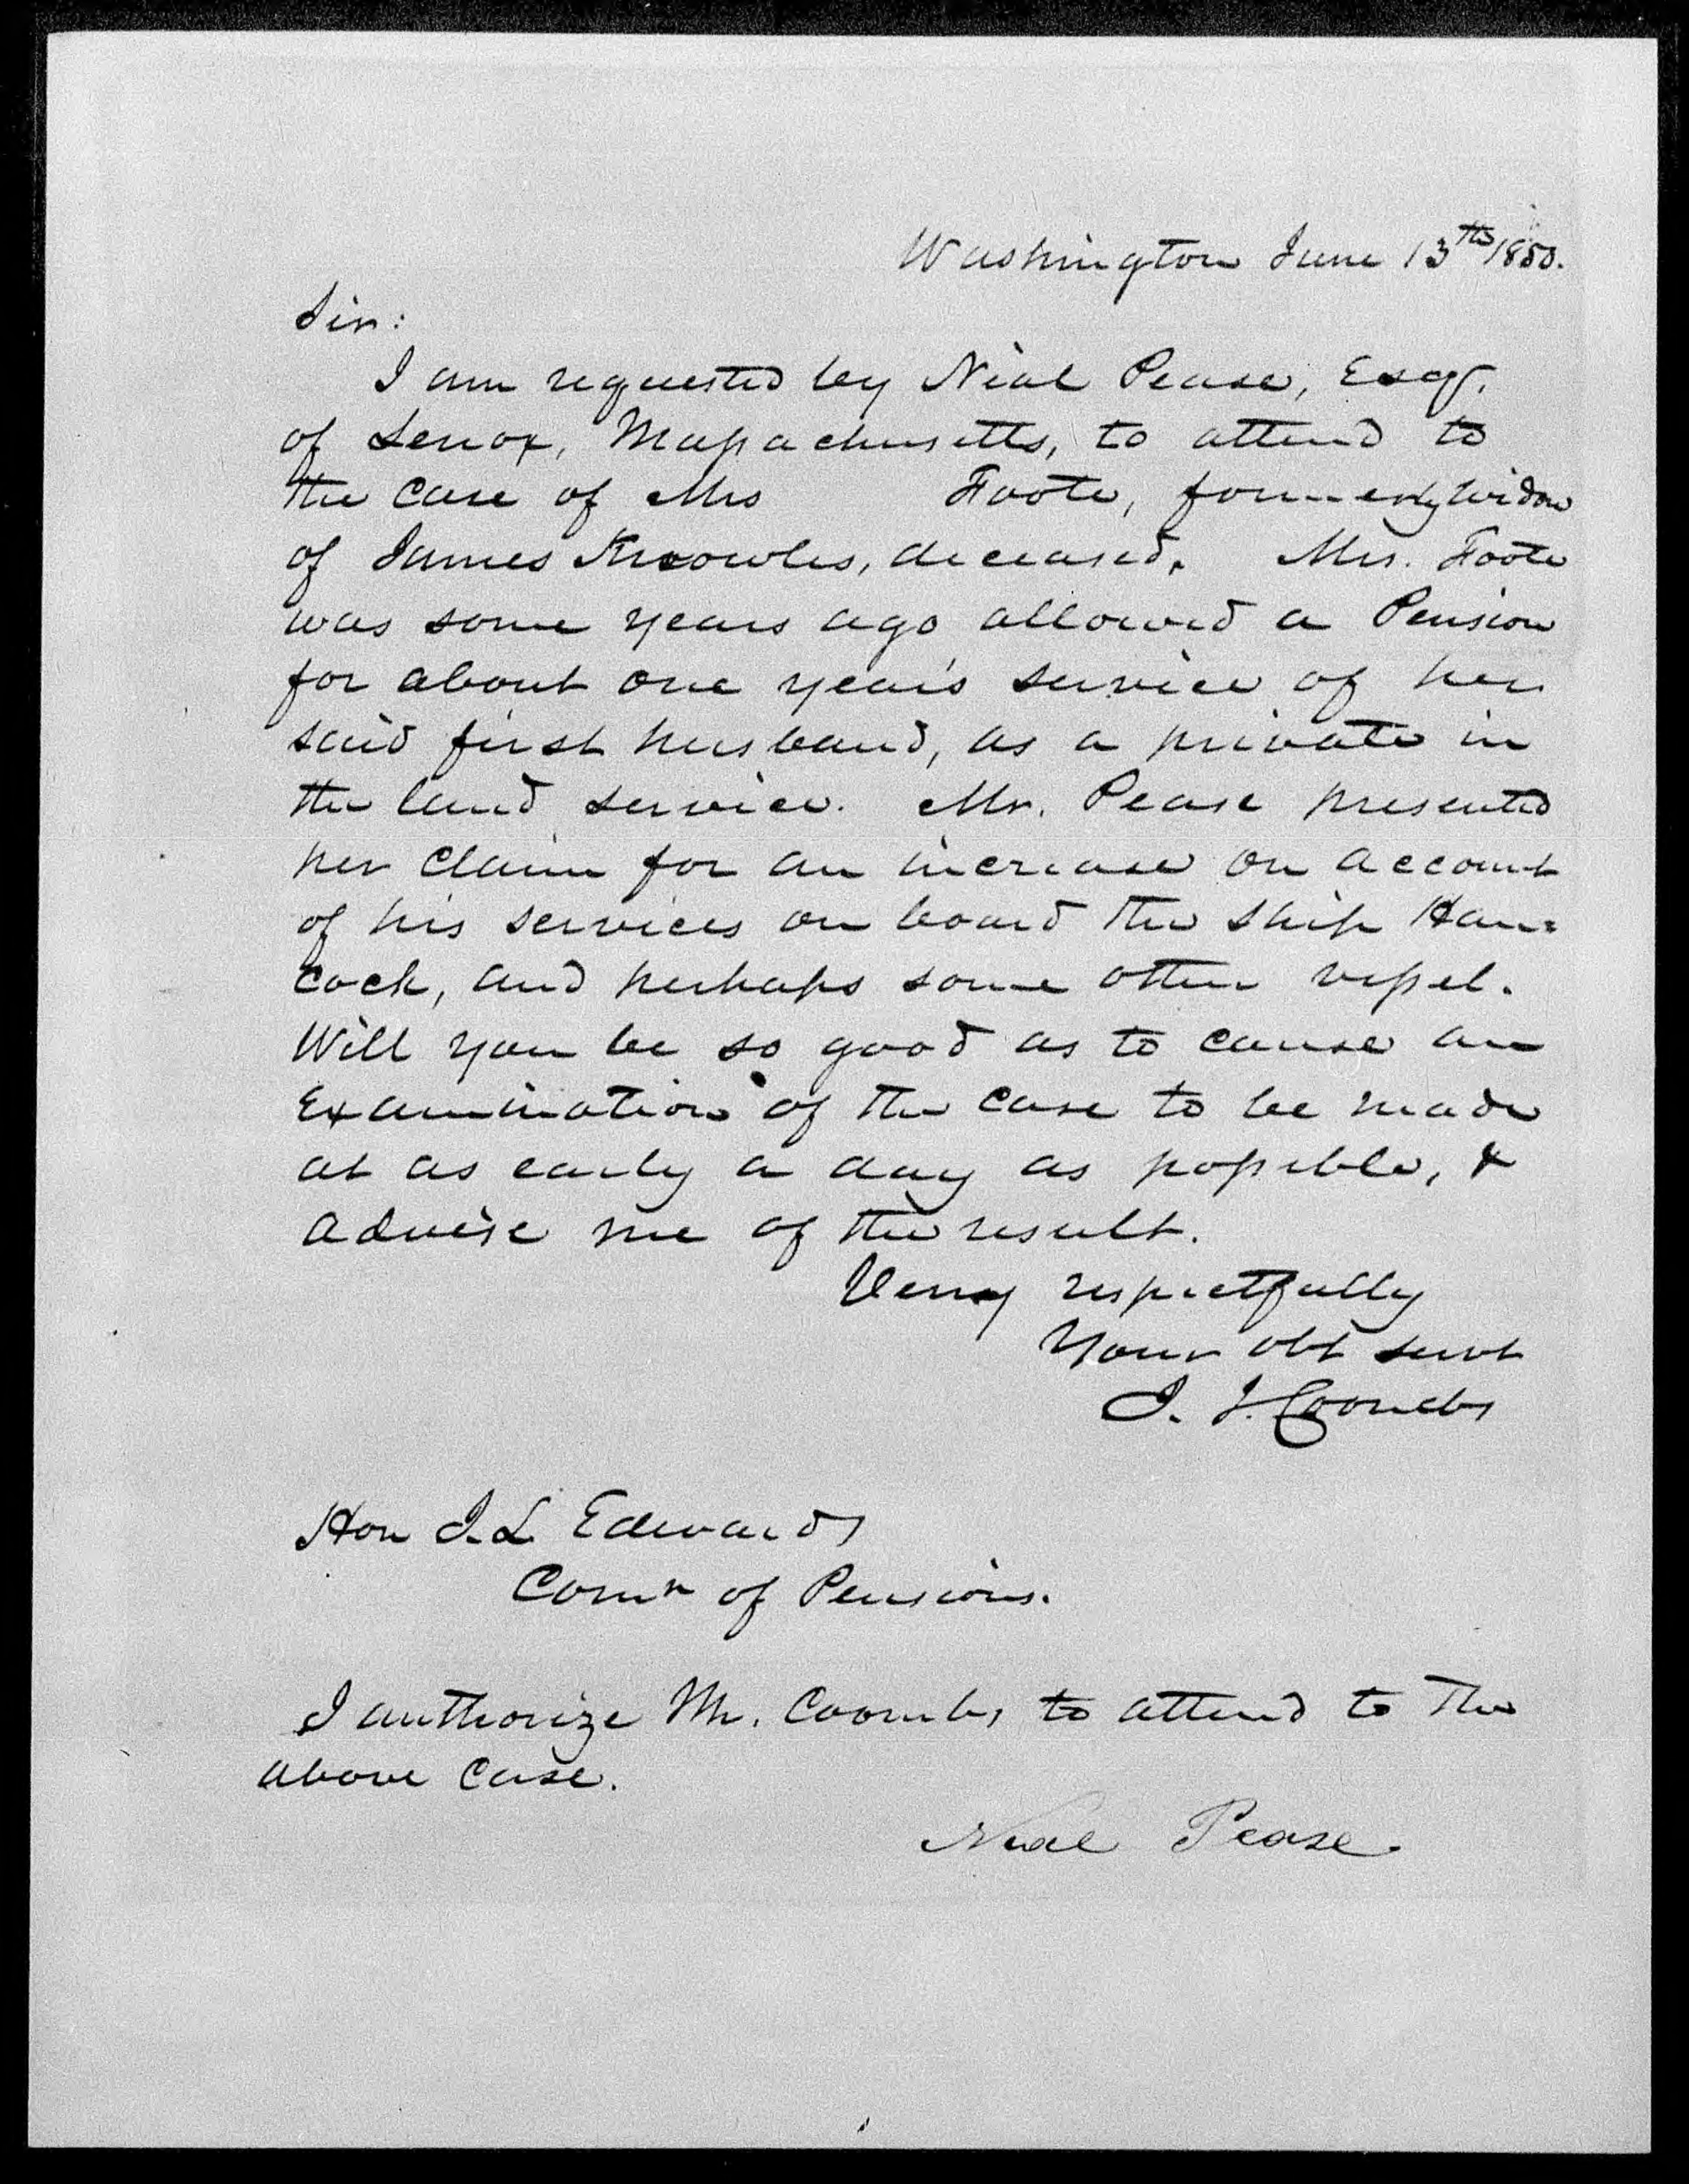Washington June 13th 1850.
Sir:
I am requested by Nial Pease, Esqr, of Lenox, Massachusetts, to attend to the case of Mrs           Foote, formerly widow of James Knowles, deceased. Mrs. Foote was some years ago allowed a Pension for about one year's service of her said first husband, as a private in the land service. Mr. Pease presented her claim for an increase on account of his services on board the Ship Hancock, and perhaps some other vessel. Will you be so good as to cause an examination of the case to be made at as early a day as possible, & advise me of the result.
Very Respectfully
Your obt servt
J. J. Coombs

Hon J. L. Edwards
Comr of Pensions. 

I authorize Mr. Coomb to attend to the above case  Nial Pease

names: [BLANK] Foote; Nial Pease; James Knowles; J L Edwards; J J Coombs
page: 50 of 60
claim: widow's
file: W. 14,036, for James Knowles, Connecticut